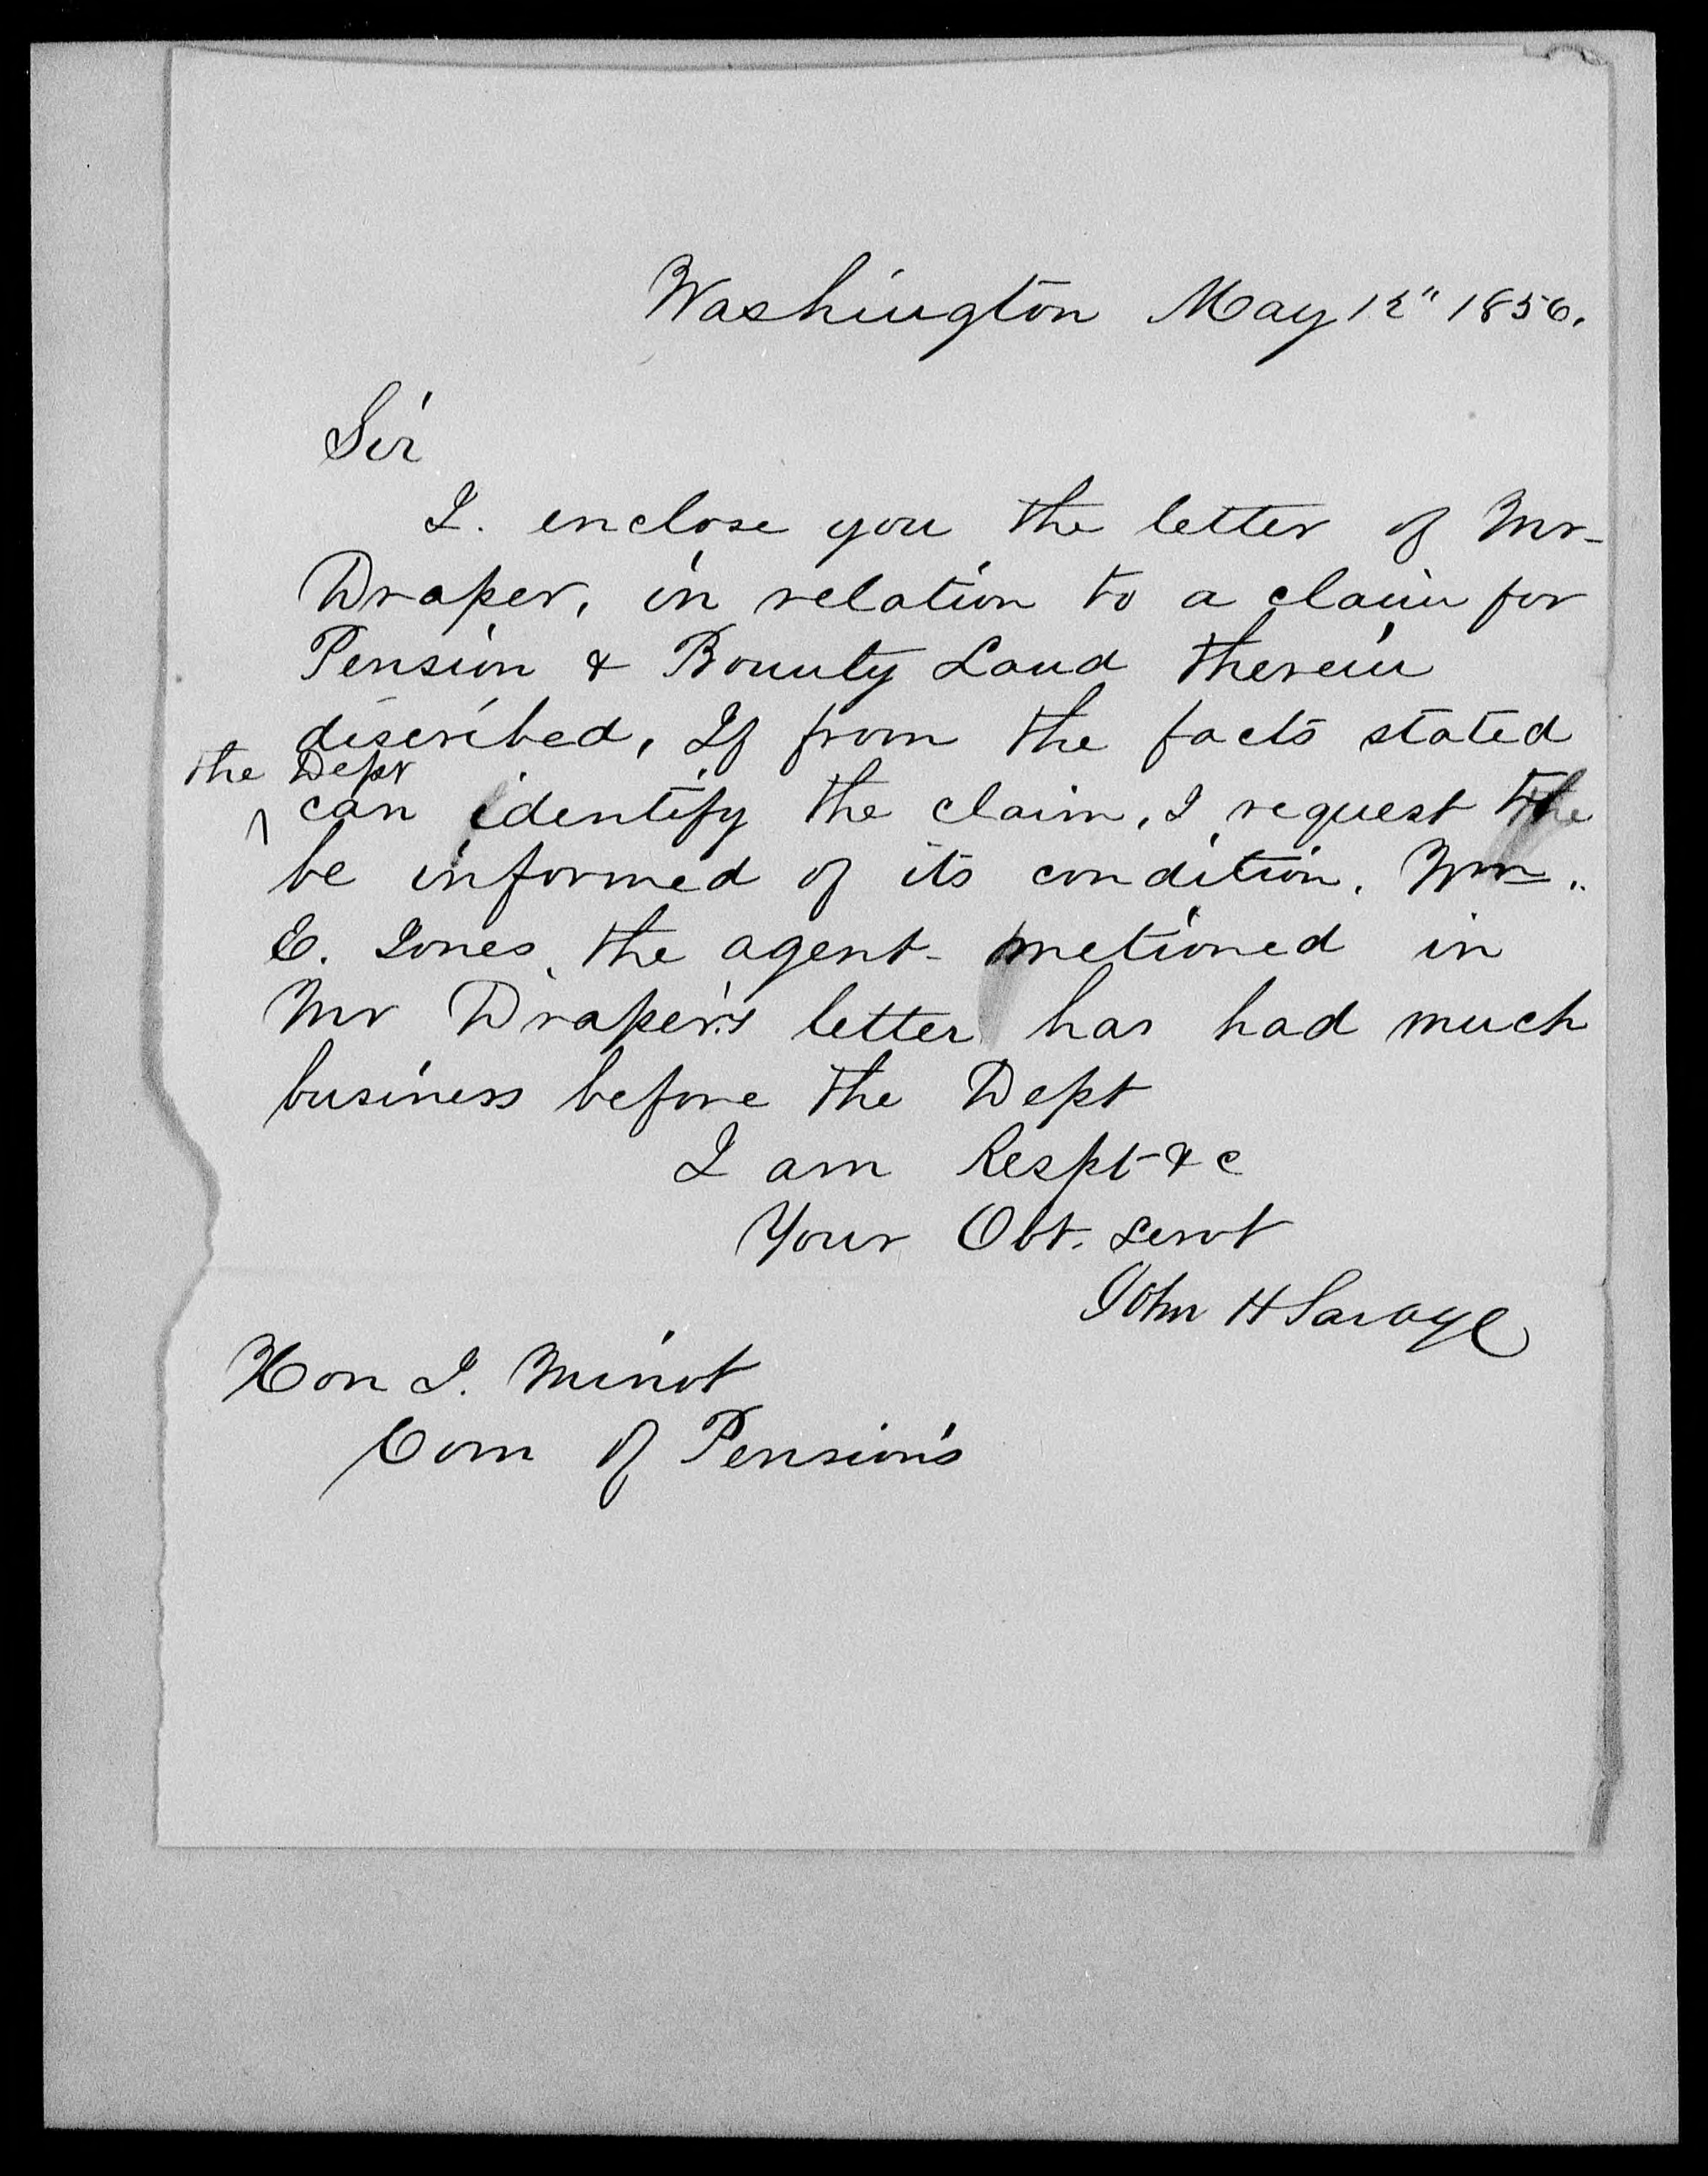Washington  May 12" 1856.

Sir

I enclose you the letter of Mr.
Draper, in relation to a claim for
Pension & Bounty Land therein 
described.  If from the facts stated
the Dept can identify the claim, I request he 
be informed of its condition.  Wm.
E. Jones, the agent mentioned in 
Mr Draper's letter has had much 
business before the Dept

I am Respt - &c
Your Obt. Servt

John H Savage



Hon J. Minot
Com of Pensions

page: 18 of 33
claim: rejected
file: R. 1554, for Richard Jones, North Carolina